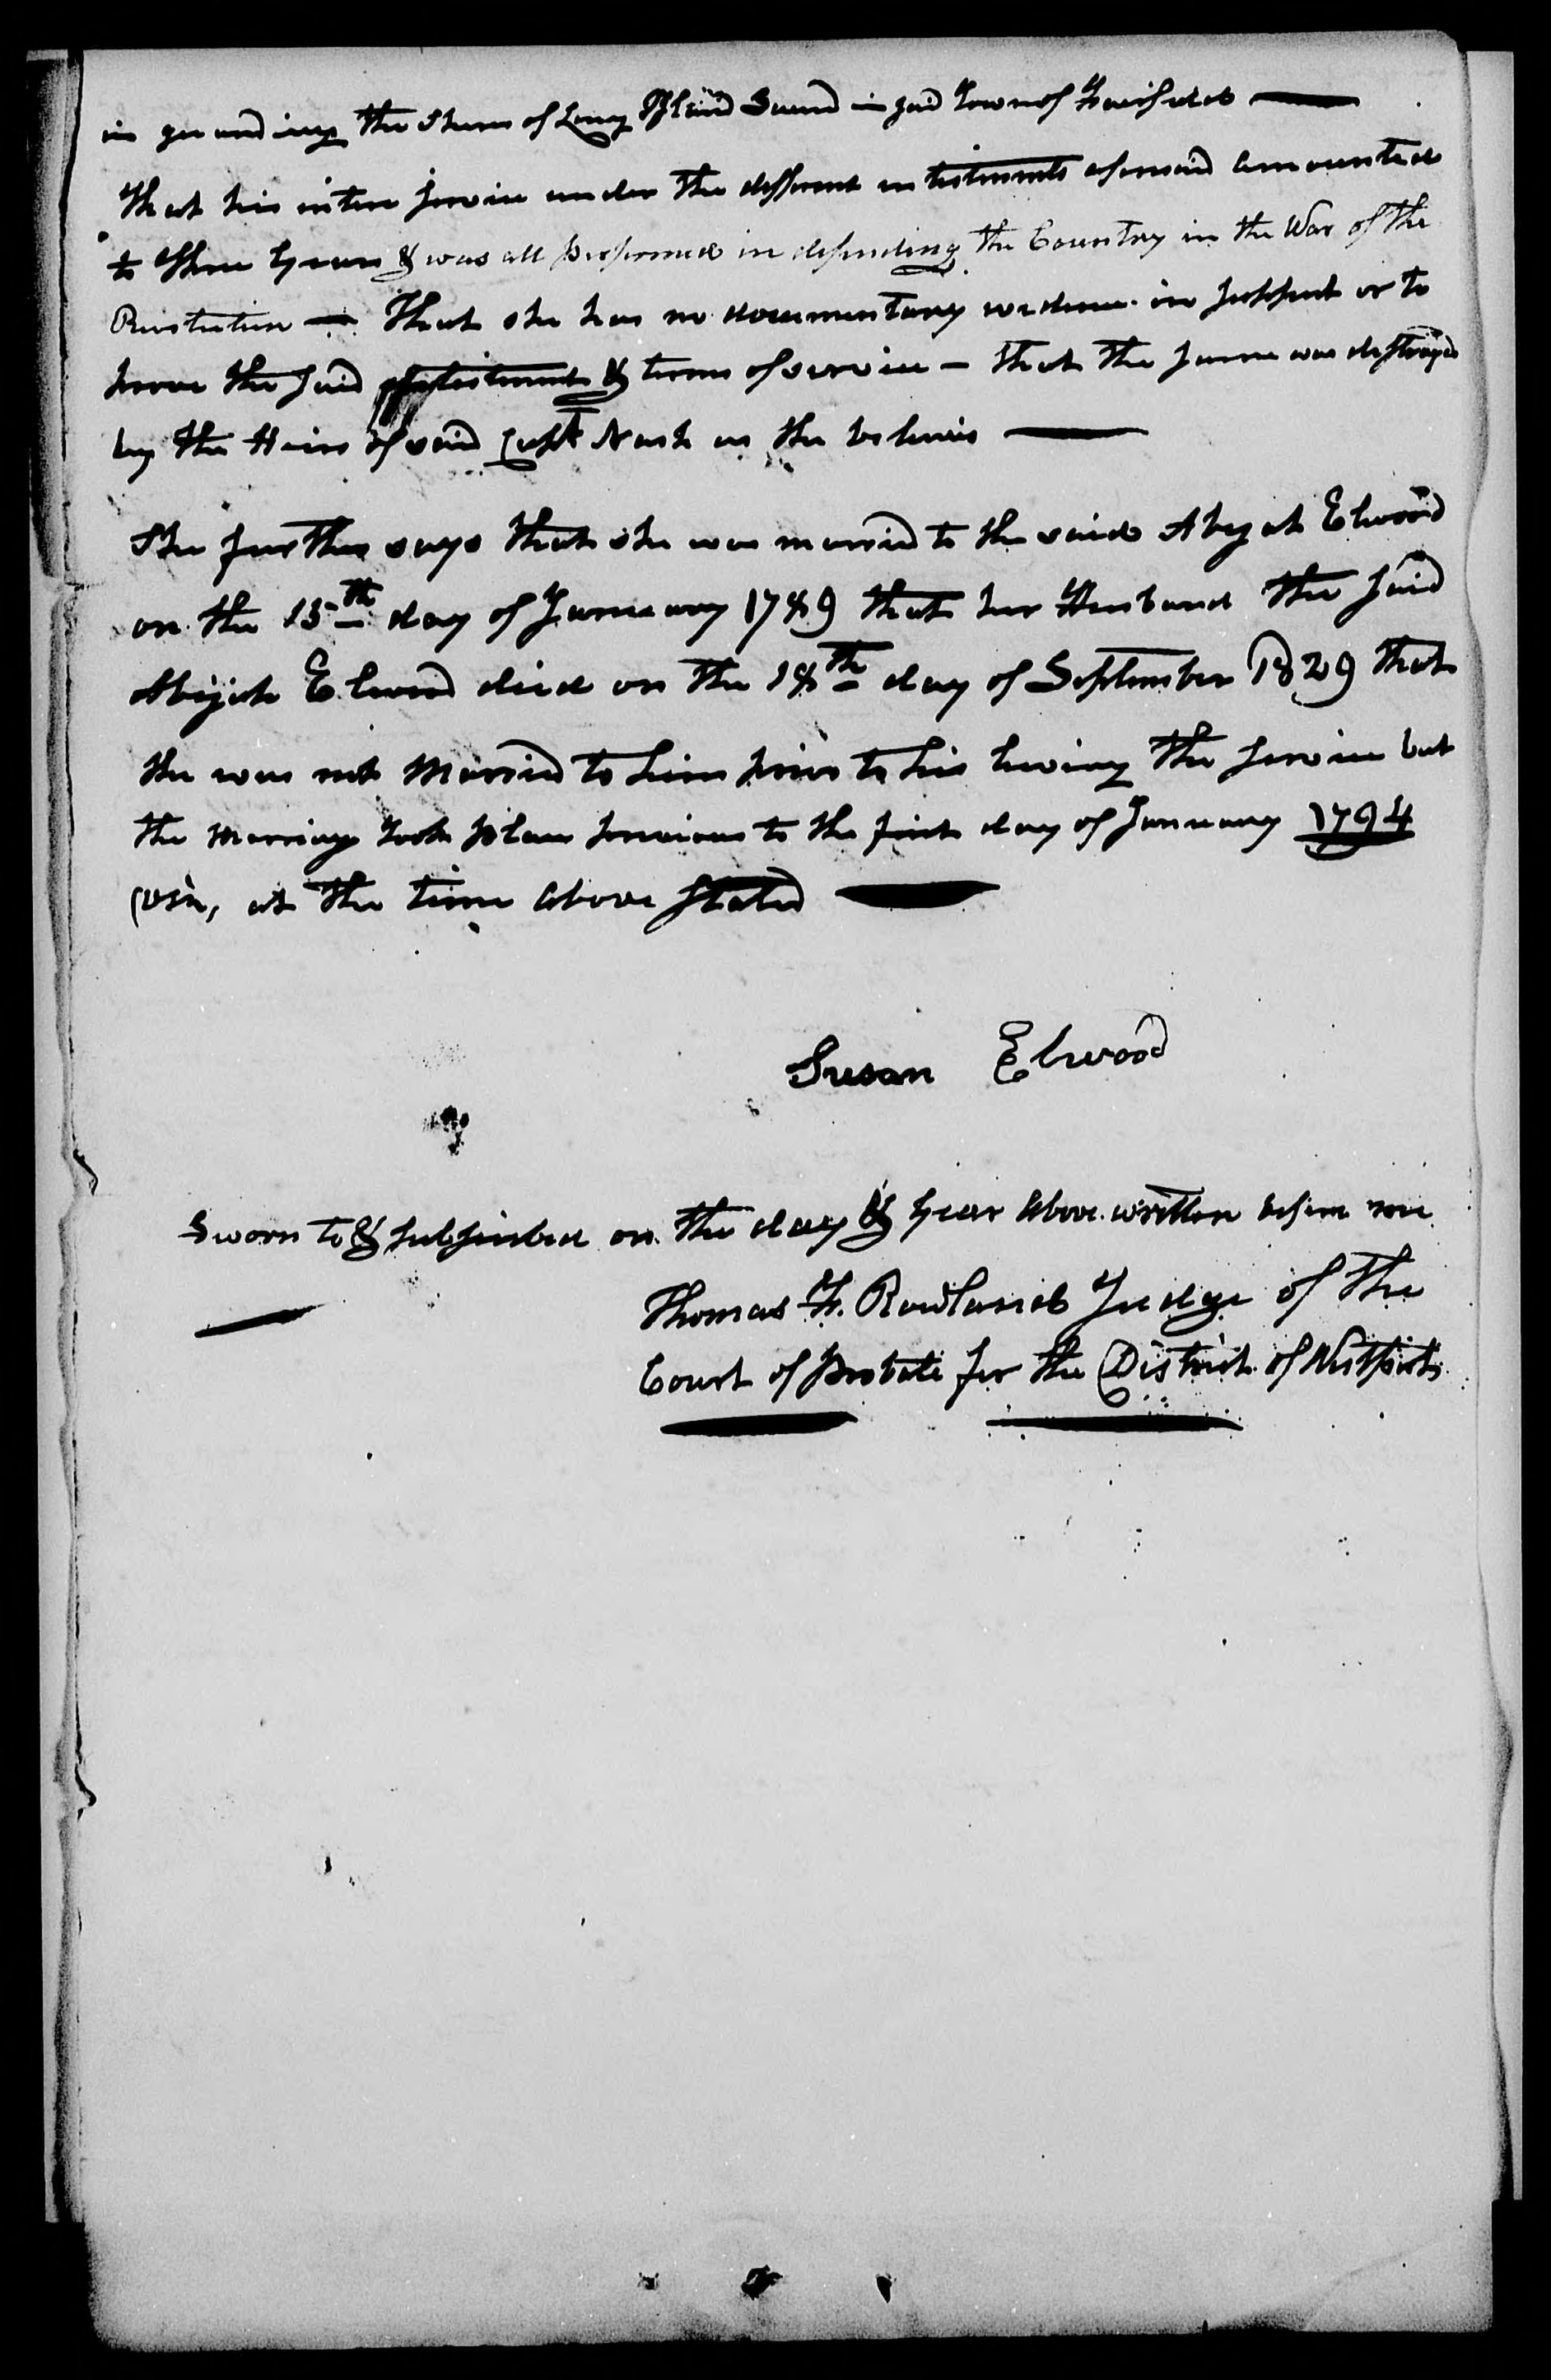in guarding the shores of Long Island Sound in said town of Fairfield.
That his entire service under the different enlistments aforesaid amounted to three years. It was all performed in defending the country in the War of the Revolution. That she has no documentary evidence in support or to [illegible] the said enlistments in terms of service. That the service was destroyed by the heirs of said Capt Nash in the [illegible].
She further says that she was married to the said Abijah Elwood on the 15th day of January 1789. That her husband the said Abijah Elwood died on the 18th day of September 1829. That she was not married to him prior to his leaving the service but the marriage took place previous to the first day of January 1794 (viz, at the time above stated).
Susan Elwood

Sworn to & subscribed on the day & year above written before me.
Thomas F Rowland Judge of the Court of Probate for the District of Westport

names: Abijah Elwood, Abijah Elwood, Thomas F Rowlan, Nash, Susan Elwood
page: 4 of 69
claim: widow's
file: W. 25562, Abijah Elwood, Conn.